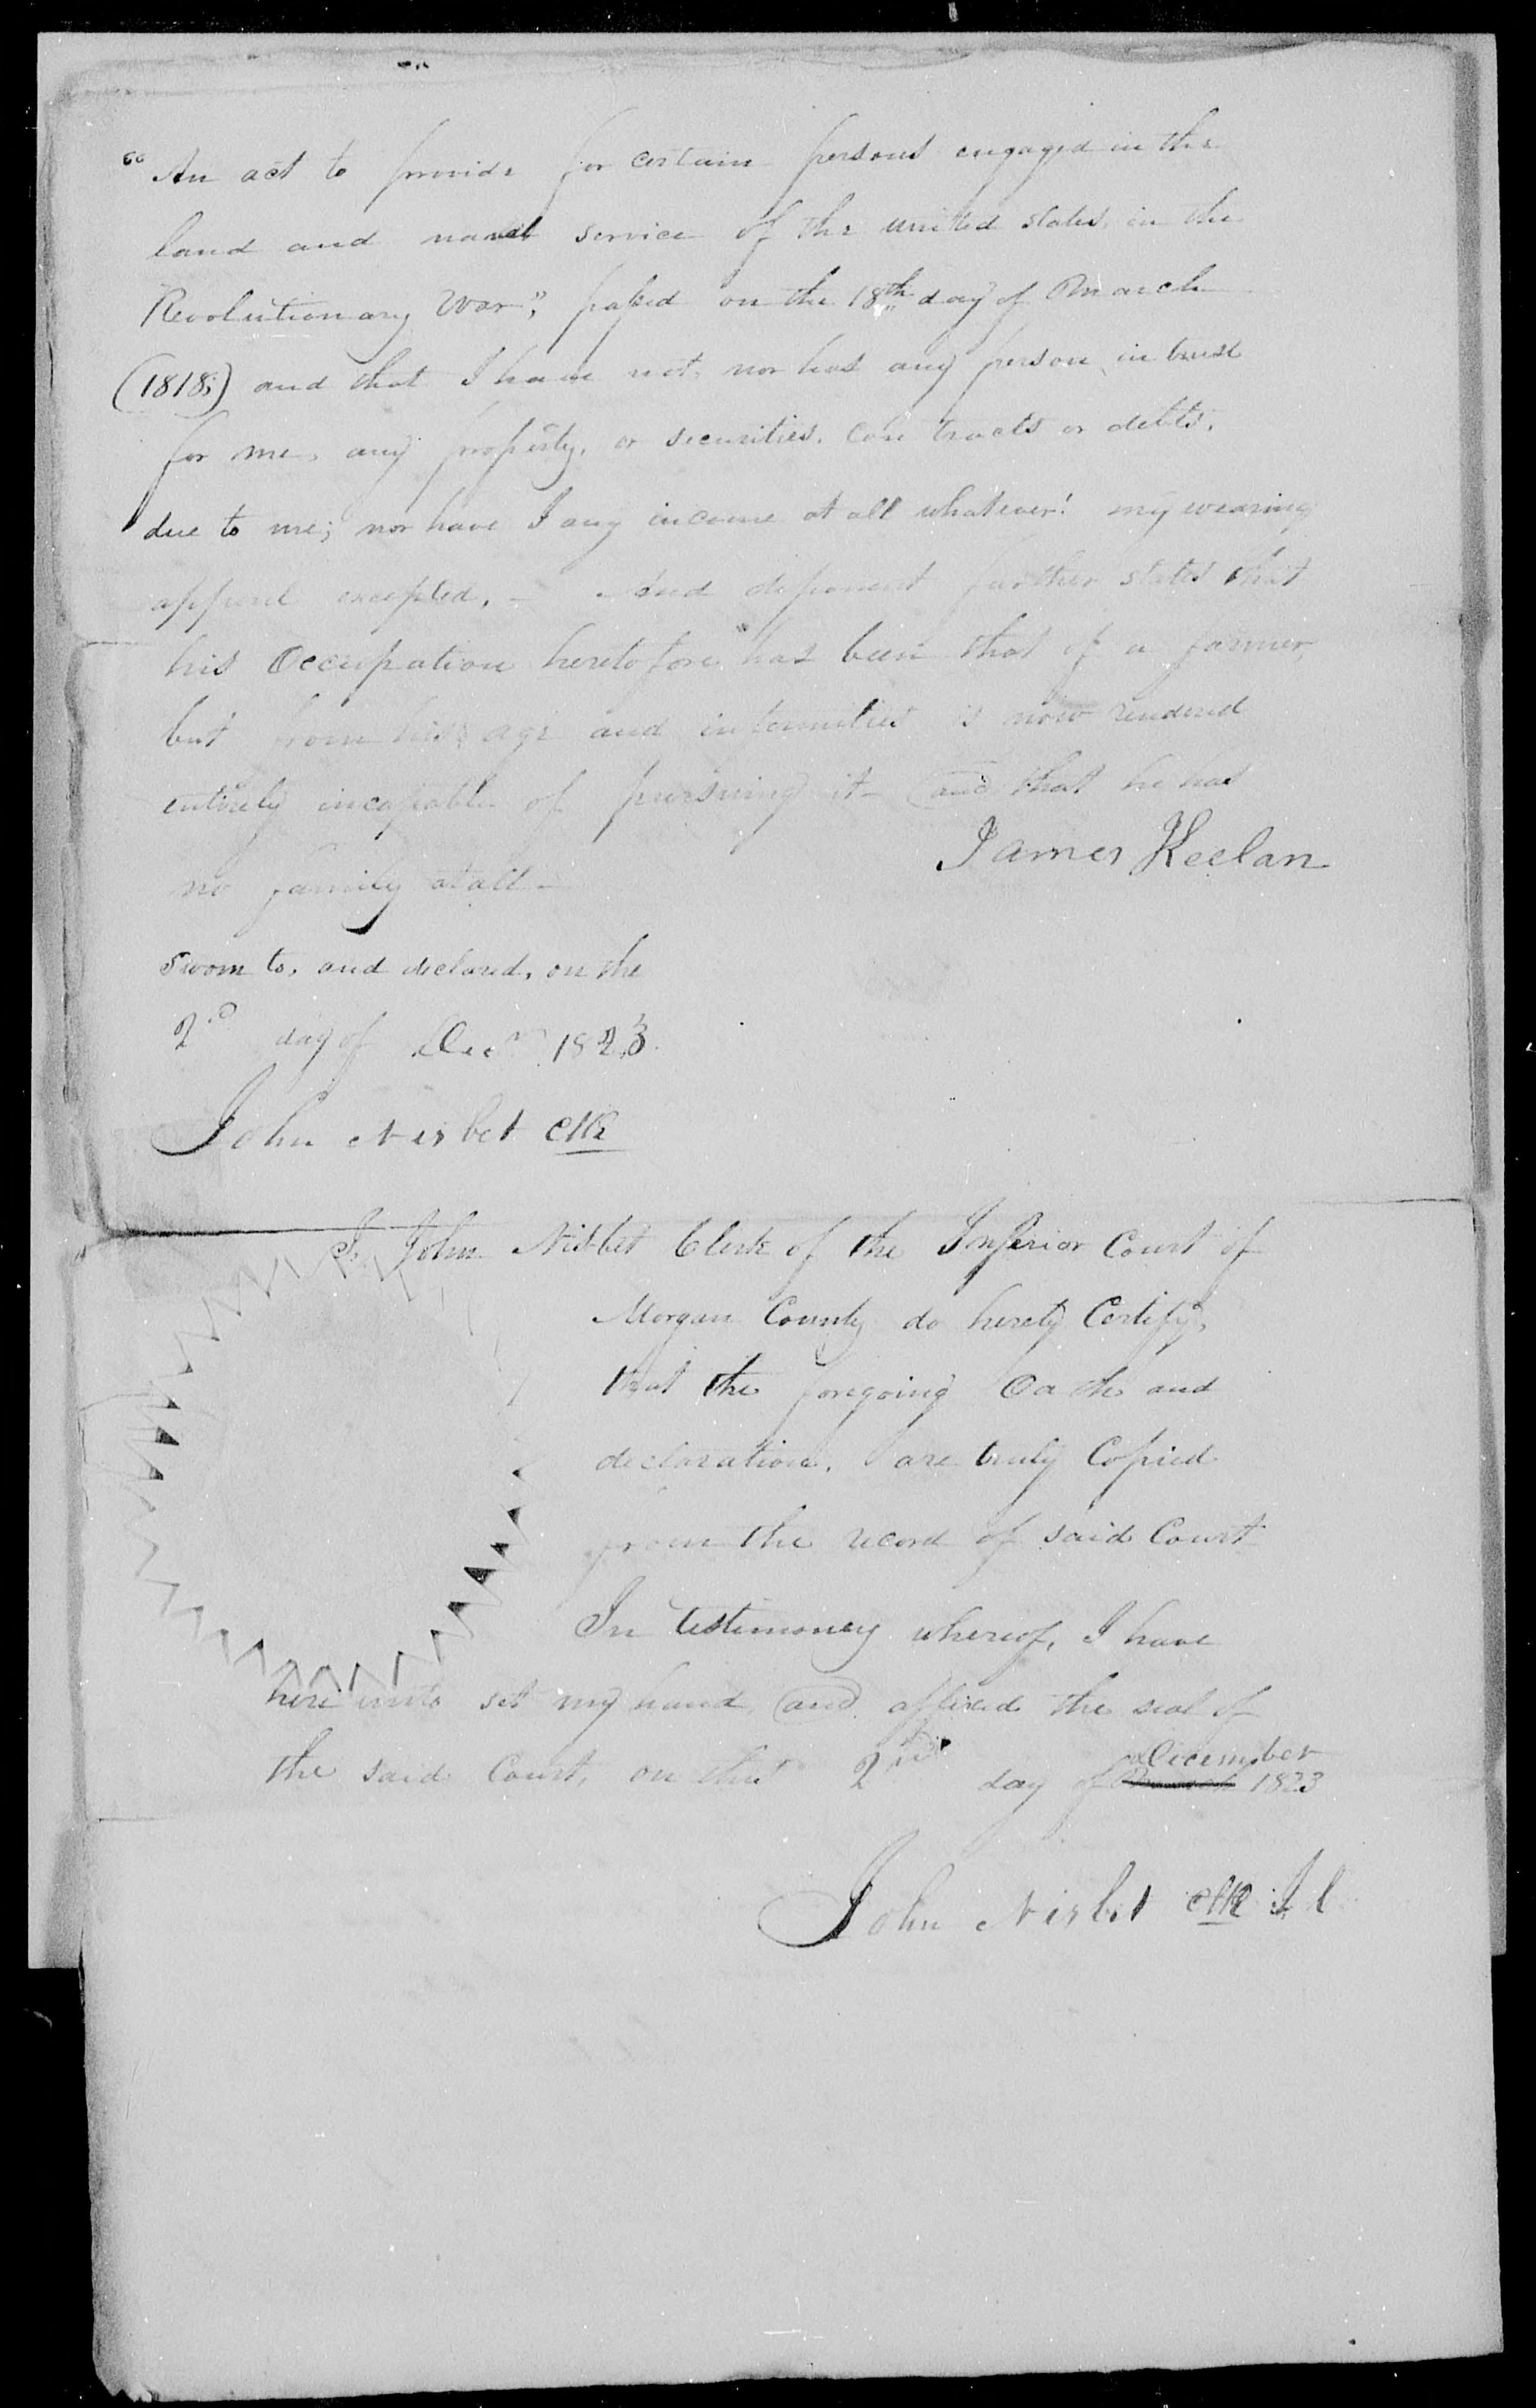An act to provide for certain persons engaged in the land and naval service of the United States, in the Revolutionary War"" passed on the 18th day of March (1818;) and that I have not nor has any person in trust for me any property or securities, contracts or debts
due to me; nor have I any income at all whatever; my wearing apparel excepted. - And deponent further states that his occupation heretofore has been that of a farmer,
but from his age and infirmities is now rendered entirely incapable of pursuing it-- and that he has no family at all-
James Keelan
Sworn to, and declared, on the 2nd
of day of Decr 1823.
John Nisbet clk
---

[Paper seal]
I John Nisbet Clerk of the Inferior Court of
Morgan County do hereby certify
that the foregoing oath and
declaration are truly copied
is for the record of said Court
In testimony whereof, I have
hereunto set my hand and affixed the seal of
the said Court, on the 2nd day of December
1823
John Nisbet clk [illegible]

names: James Keelan; John Nisbet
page: 13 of 16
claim: survivor's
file: S. 38110, for James Keelan, Maryland